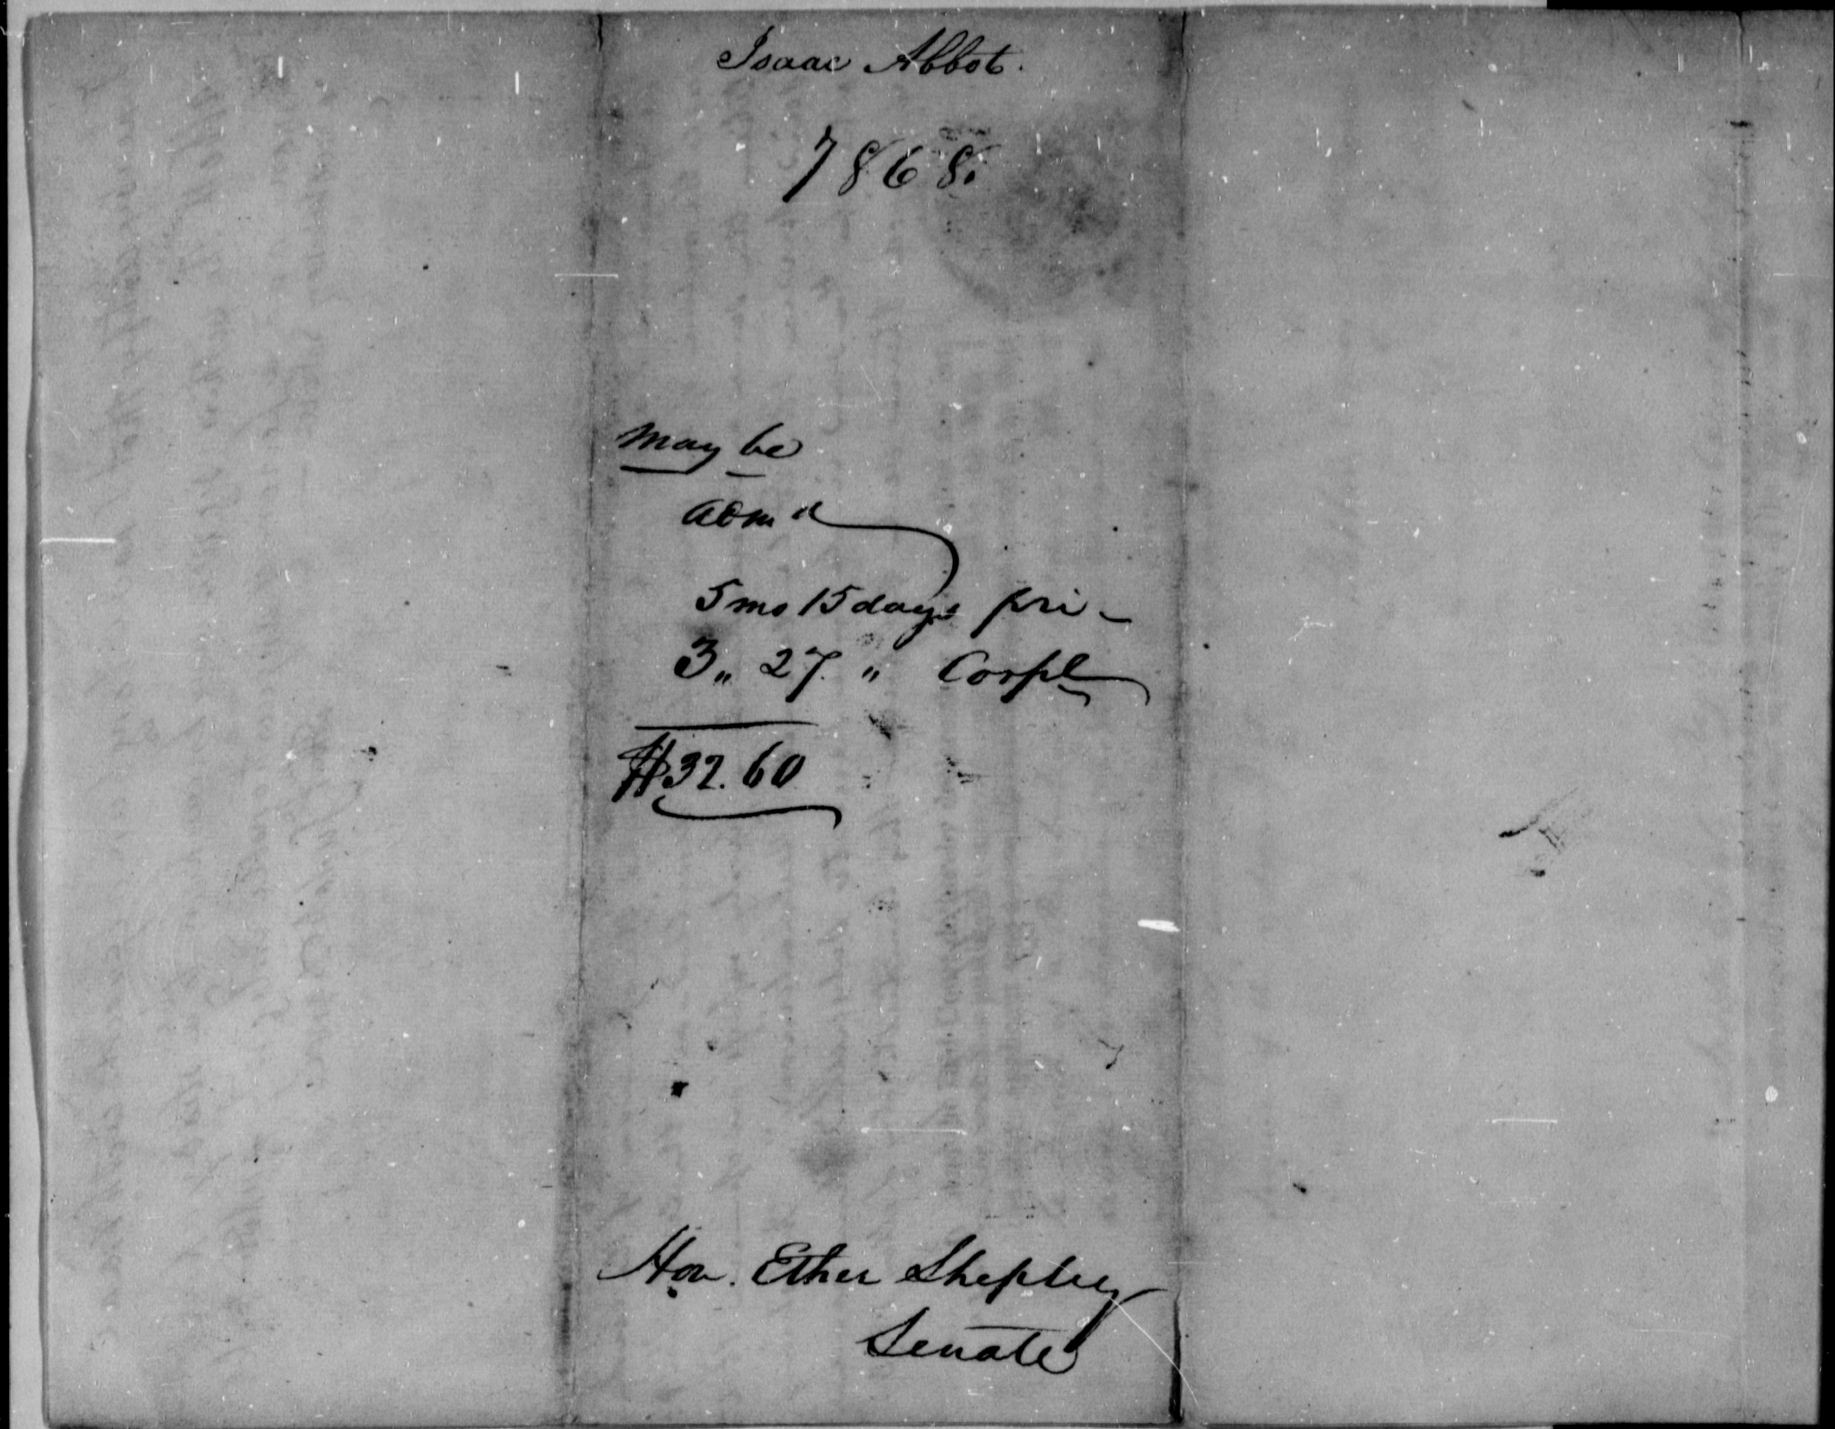Isaac Abbot:
7868.

May be
adm'd
5mo 15days priv-
3mo 27 days Corpl-
_____
$32.60
_____



Hon. Esther Shepley
Senate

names: Isaac Abbot, Ether Shepley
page: 3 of 86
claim: survivor's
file: S 29,568, Isaac Abbot, Mass